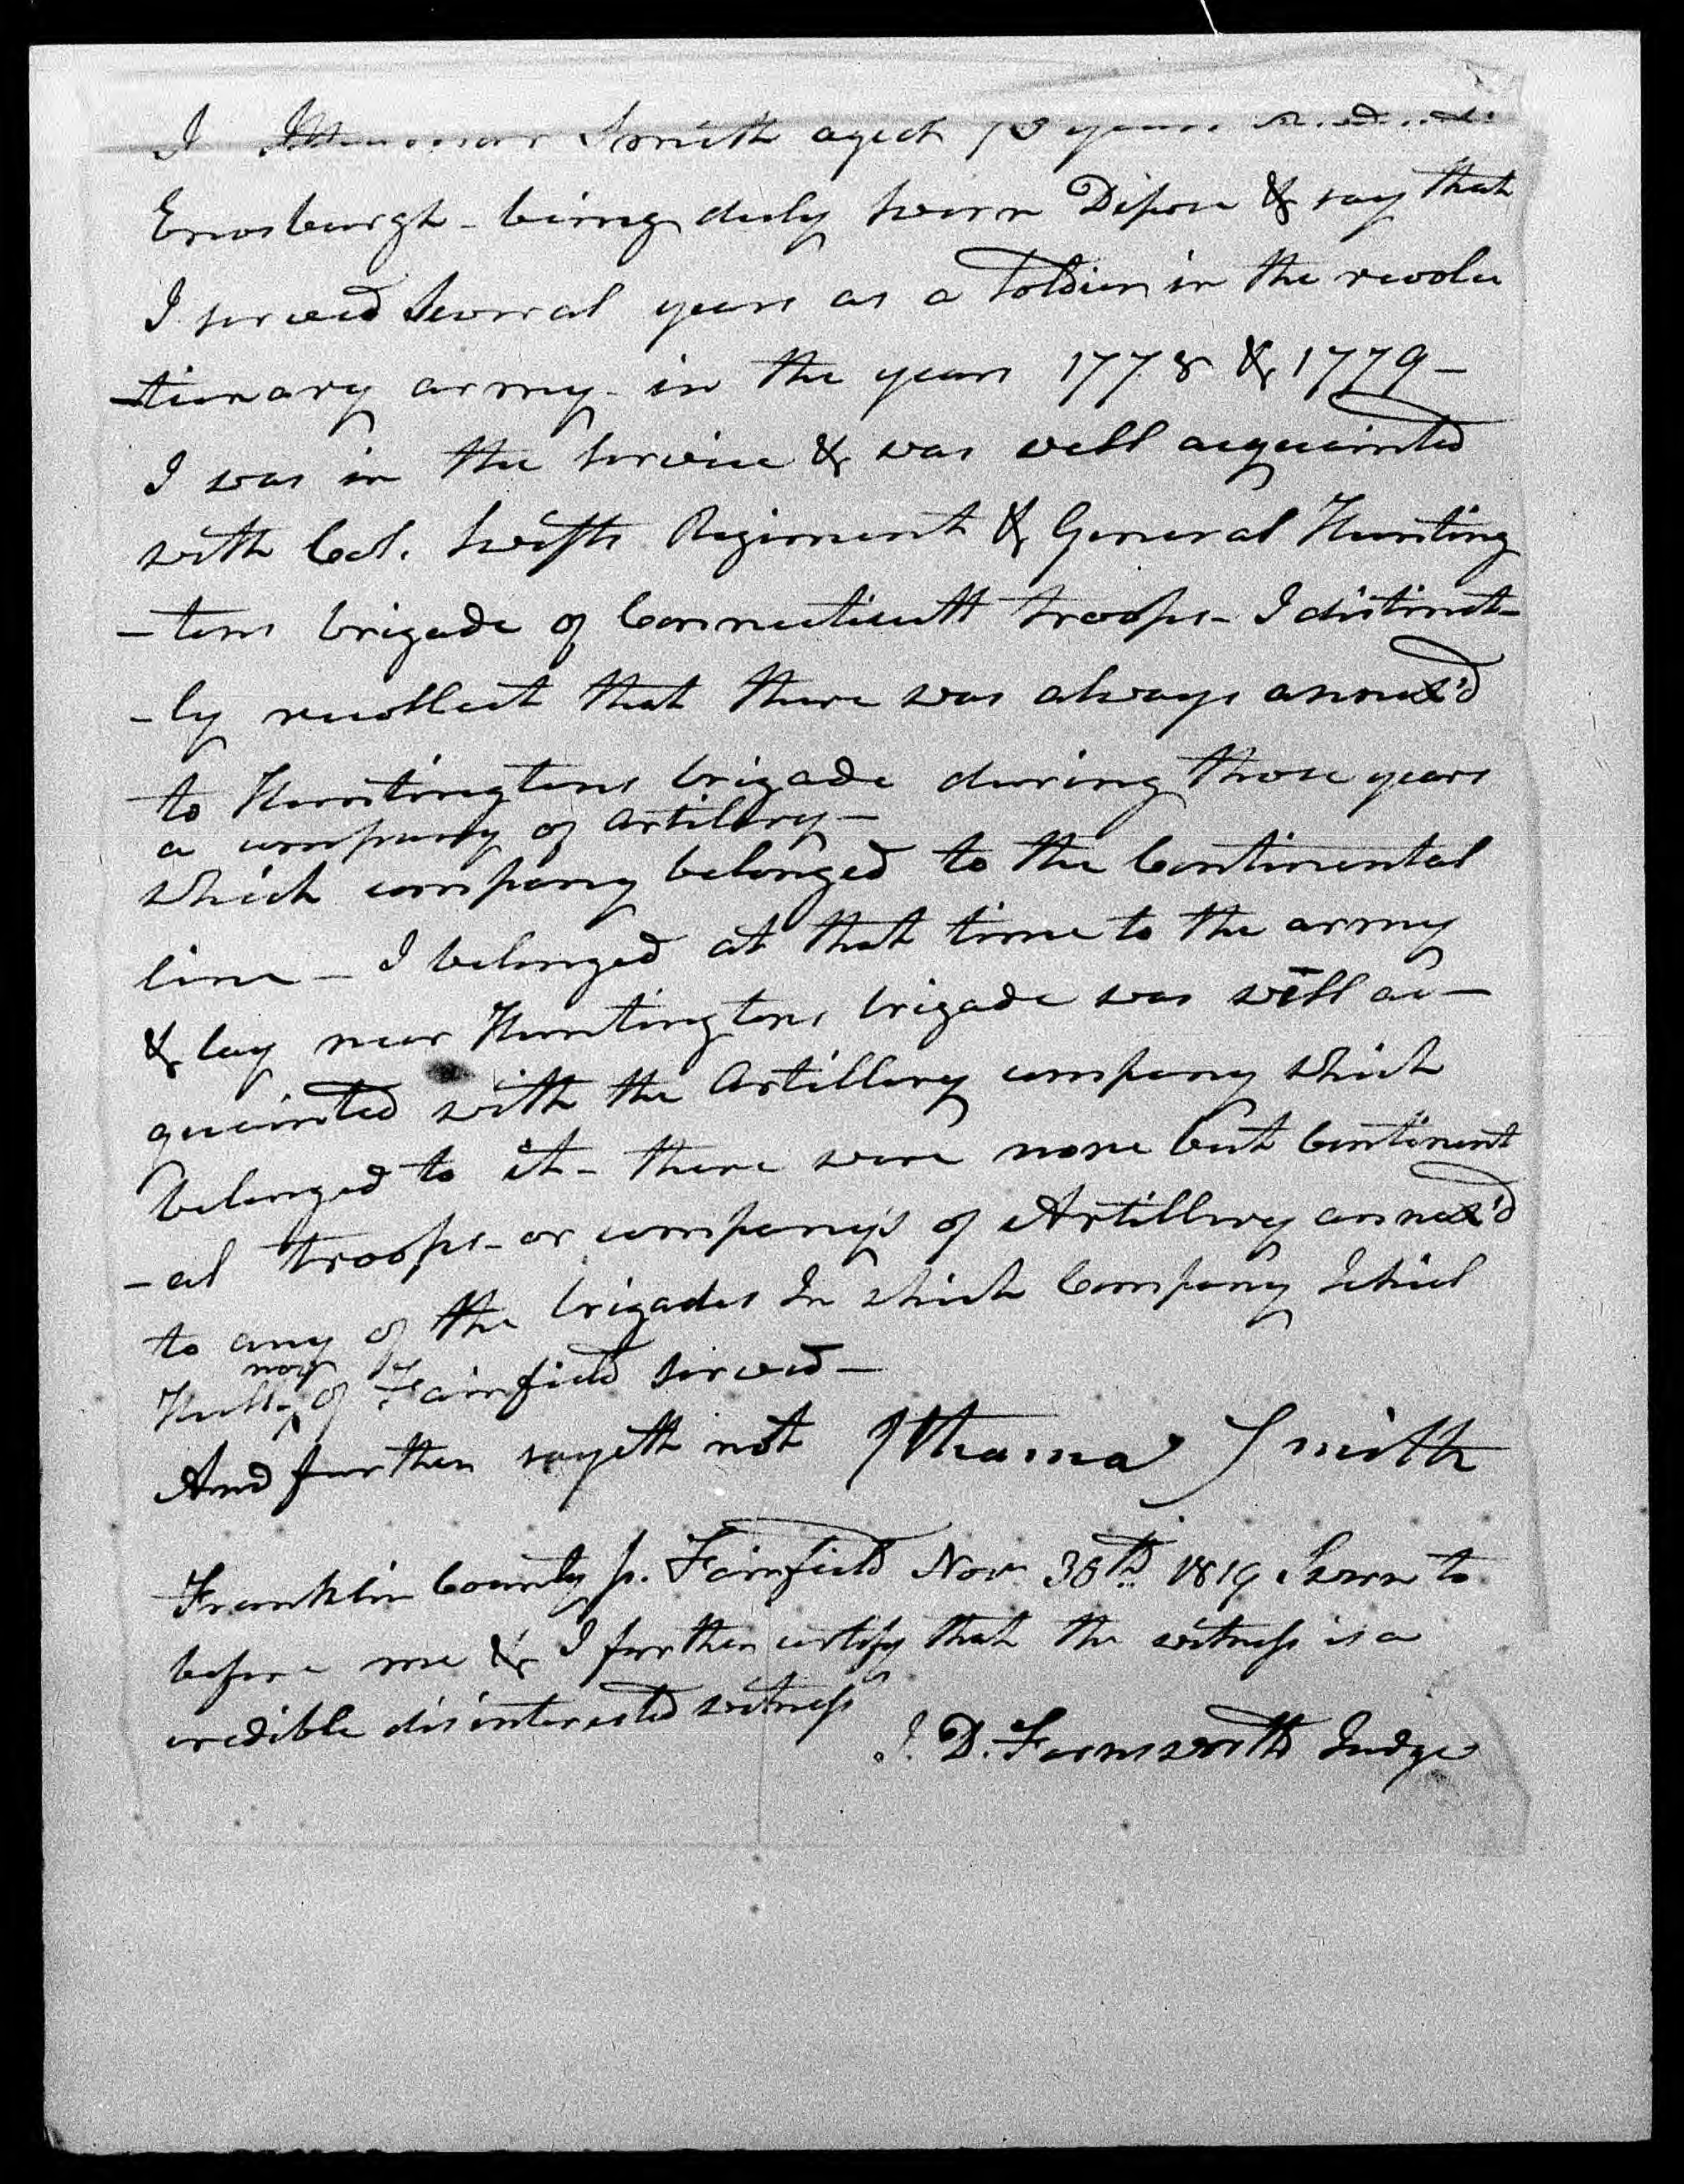ILLEGIBLE - being duly sworn ILLEGIBLE of ILLEGIBLE that i served several years as a soldier in the revolutionary army in the years 1778 & 1779 I was in the service & was well aquianted with Col Swifts Regiment & General Huntingtons brigade of Connecticut troops I ILLEGIBLE that there was always ILLEGIBLE Huntingtons brigade during these years a ILLEGIBLE of Artillery - Which compnay belonged to the Continental line - I belonged at that time to the army  & lay near Huntingtons Brigade was ILLEGIBLE acquainted with the Artillery company which belonged to it - there were none but ILLEGIBLE Troops or company of Artillery ILLEGIBLE to any of the brigades in which company Jehiel Hull now in Farrington sourced- And further ILLEGIBLE not ILLEGIBLE Franklin county Fainfield Nov 30th 1819 ILLEGIBLE before me & I further that the ILLEGIBLE is a ILLEGIBLE  
J D Farmworth Judge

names: Jehiel Hull, Ithamar Smith, J D Farnsworth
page: 44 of 58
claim: widow's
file: W. 25813, Jehiel Hull, Conn.